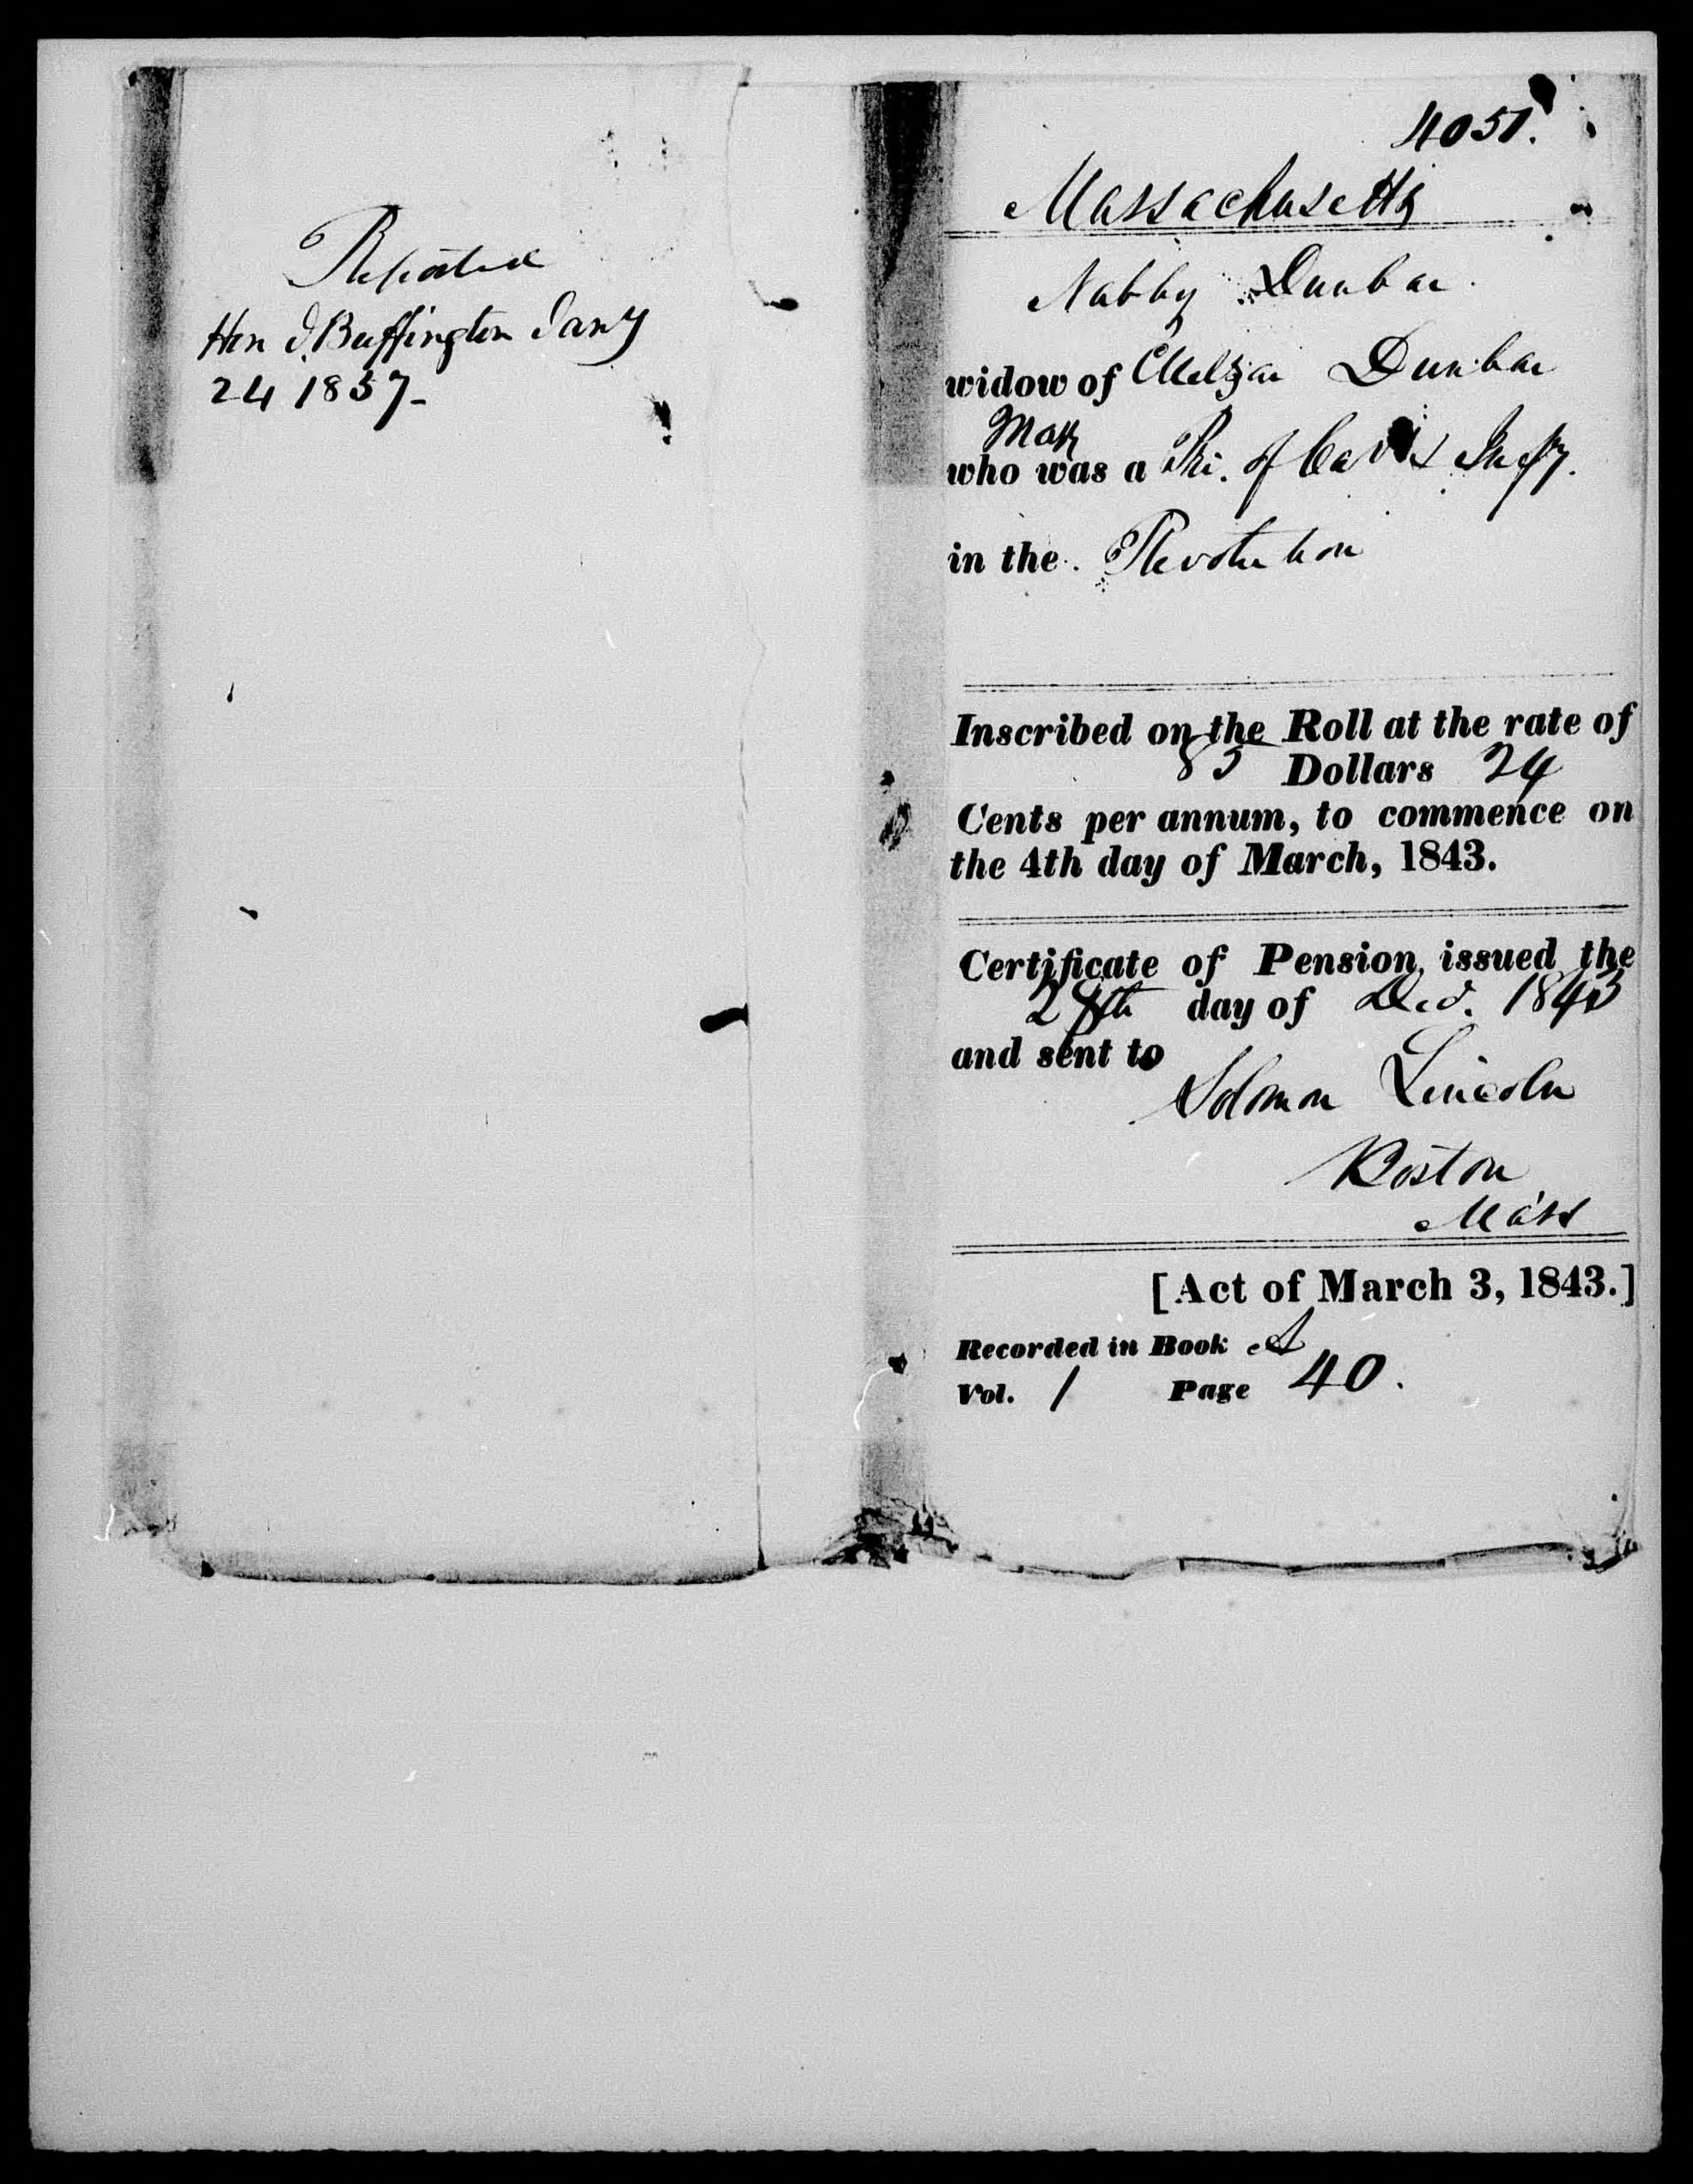4051

Massachusetts

Nabby Dunbar

widow of Melzar Dunbar
Mass.

who was a Priv of Cavalry and Infantry

in the Revolution


Inscribed on the Roll at the rate of
85 Dollars 24 Cents per annum, to commence on the 4th day of March, 1843.

Certificate of Pension, issued the 28th day of Dec. 1843 and sent to
Solomon Lincoln

Boston, Mass.

[Act of March 3, 1843]

Recorded in Book A
Vol. 1  Page 40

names: Nabby Dunbar, Melzar Dunbar, J Buffington, Solomon Lincoln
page: 2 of 26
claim: widow's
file: W. 14657, Melzar Dunbar, Mass.